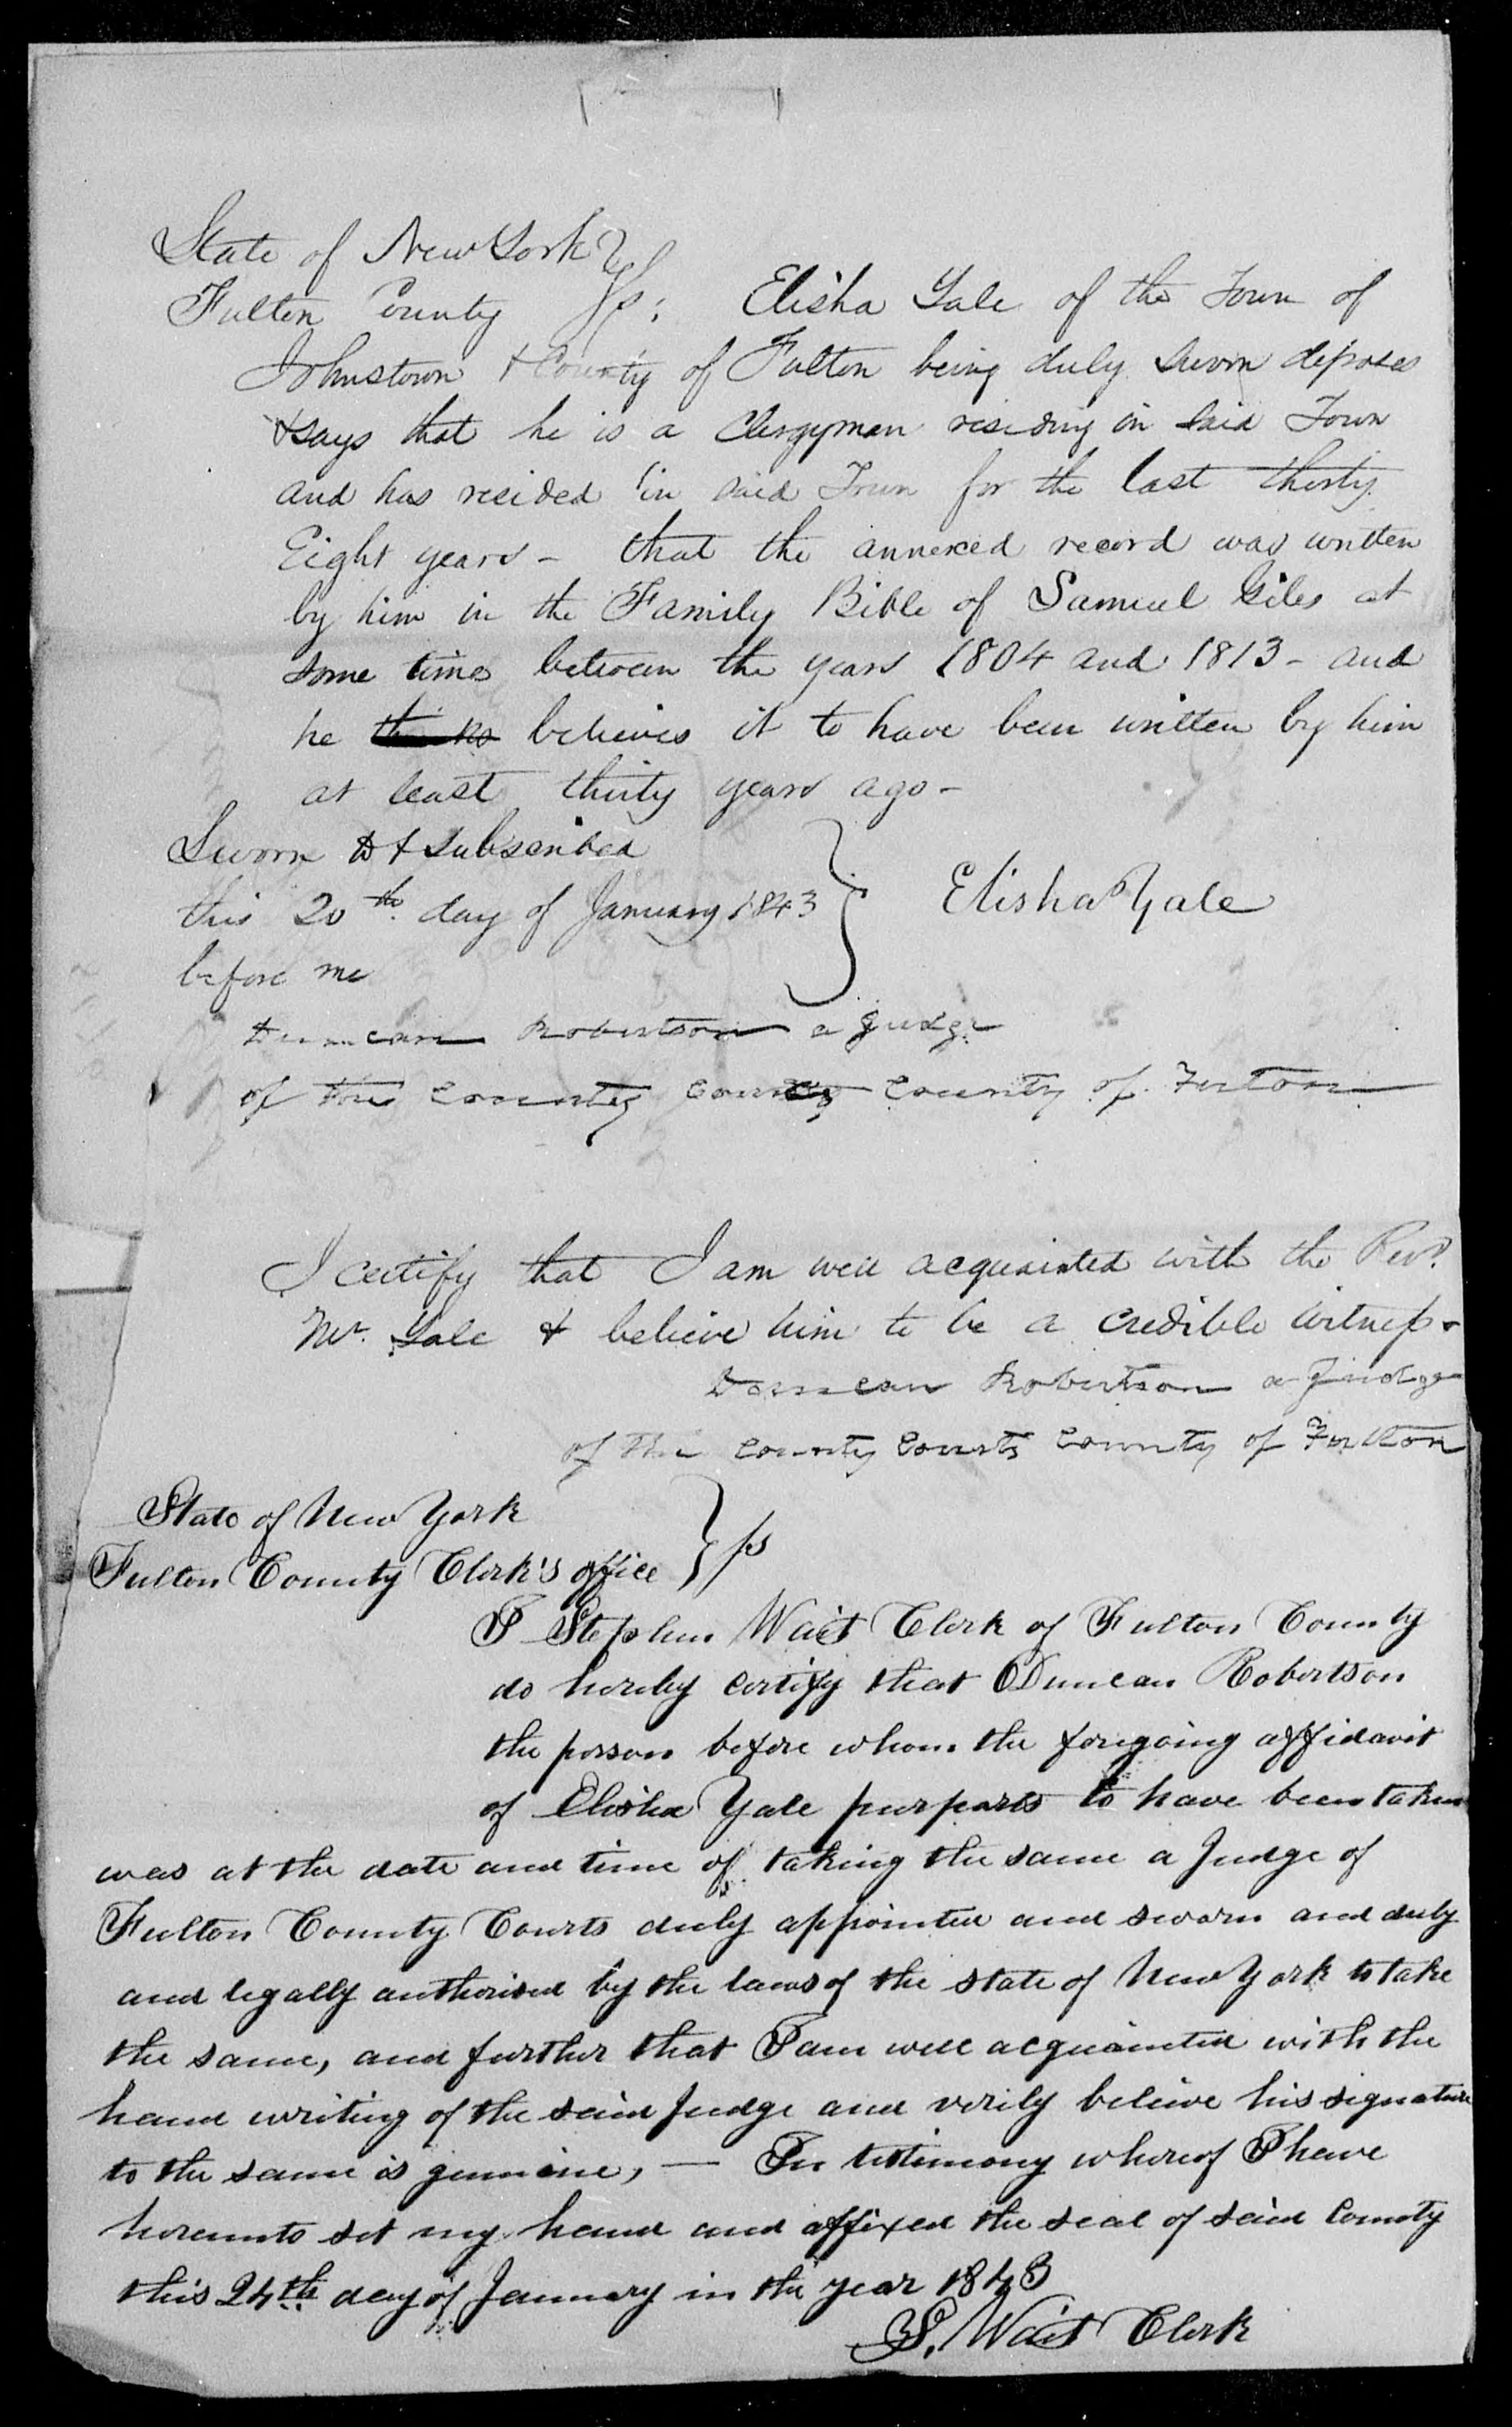State of New York,
Fulton County [illegible]: Elisha Zale of this town of johustown + County of Fulton being duly sworn [illegible] says that he is a Clergyman [illegible] in this town and has resided in said town for the last thirty Eight years - that the announced record was written by him in the Family Bible of Sameul [Giles] at some times between the years 1804 and 1813 - and he believes it to have been written by him at least thirty ears ago -
Sworn to [illegible]
this 20 th day of January 1843
before me
Elisha Zale

[illegible] Robertson a Judge 
of the county courts county of Fulton

I certify that I am well acquainted with the Rev. 
Mr. Zale + believe him to be a credible [illegible]
[illegible] Robertson a Judge 
of the county courts county of Fulton

State of New York 
Fulton County Clerk's office

I Stefohun Wais Clerk of Fulton County do hereby certify that Duncan Robertson the person before whom the foregoing affidavit of Elisha Zale purports to have been taken was at the date and time of taking the [illegible] a Judge of Fulton County Courts duly appointed and [illegible] and legally authorized by the laws of the State of New York state the [illegible], and further that [illegible] were acquainted with the house writing of the [illegible] judge and verily believe his [illegible] to the source is genuine, -- For [illegible] whereof there [illegible] my house [illegible] office the seal of [illegible] County this 24th day of January in the year 1848
S. Wais Clerk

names: Duncan Robertson, Elisha Yale, Duncan Robertson, Elisha Yale, Elisha Yale, Duncan Robertson, Samuel Giles, Stephen Wait, Yale, S Wait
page: 17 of 55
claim: widow's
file: W. 19503, Samuel Giles, Conti. Mass. New York